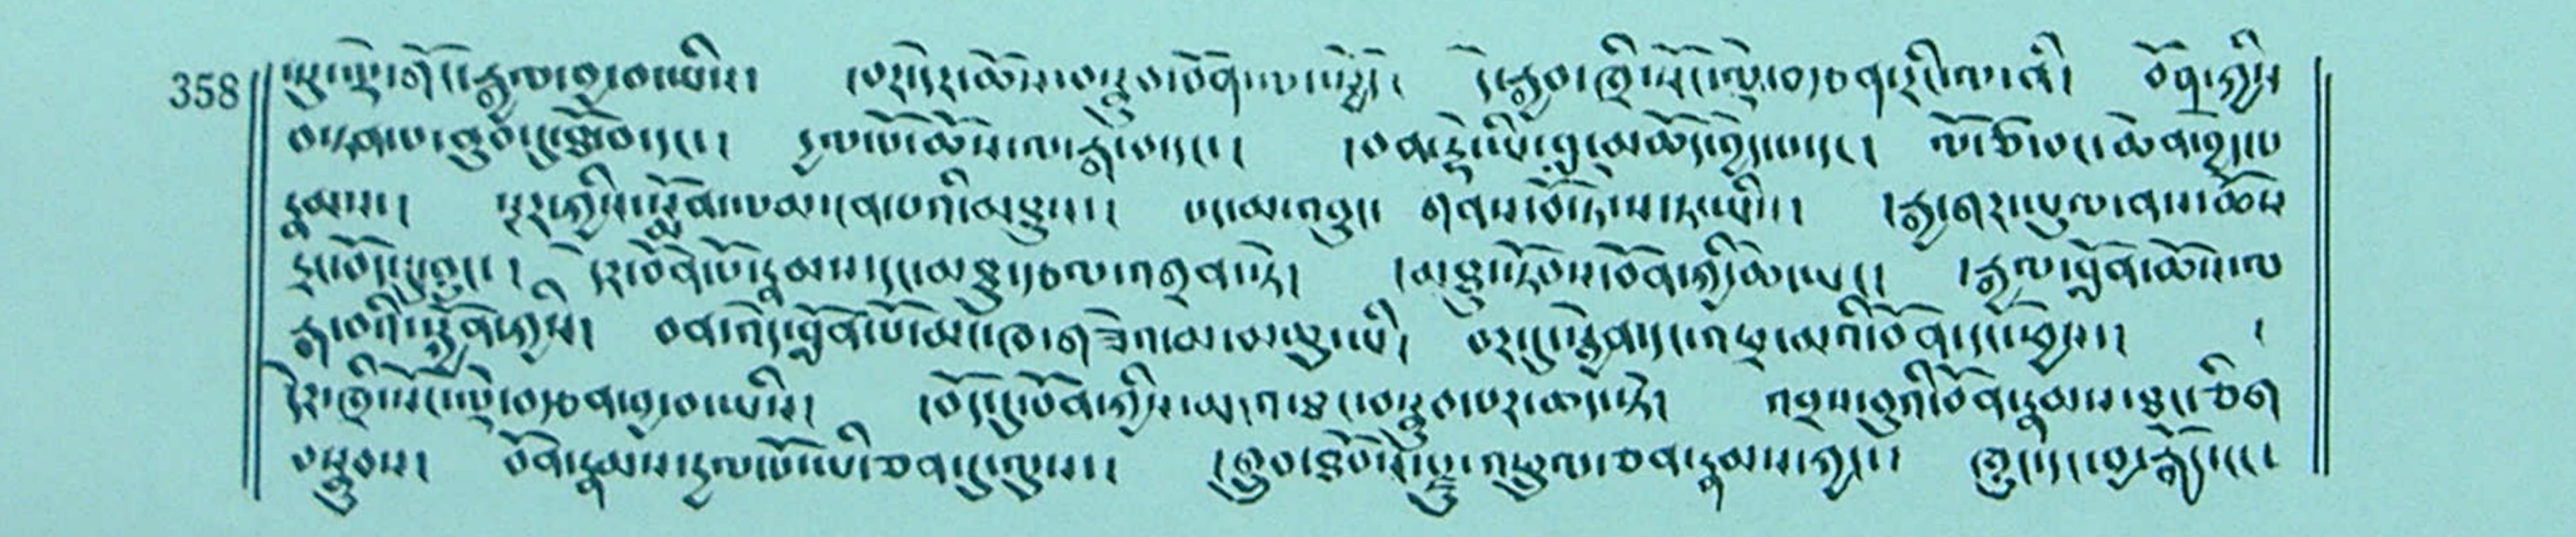སྤུ་ལྡེ་གོང་རྒྱལ་བྱ་བ་ཡིས། བར་དེར་ཆོས་བསྣུབས་བོན་ལ་སྤྱོད། དེ་རྒྱབ་ཁྲི་སྲོང་ལྡེ་བཙན་རིང་ལ་ནི། བོན་གྱི་
བསྟན་པ་ནུབ་ཏུ་ཐོ་བ་དང་། རྒྱལ་བོ་ཆོས་ལ་དགའ་བ་དང་། བན་དྷེ་ཡི་བླ་མཆོད་བྱེད་པ་དང་། ལོ་ཙཱ་བང་ཆེན་བྱེད་པ་
རྣམས། སྔར་གྱི་སྨོན་ལམ་ངན་པའི་མཐུས། པད་མ་འབྱུང་གནས་བོ་ཏེ་ས་ཏ་ཡིས། རྒྱ་གར་ཡུལ་ནས་ཆོས་
དྲངས་བོད་དུ་བྱུང་། དེར་བོན་པོ་རྣམས་དང་མཐུ་རྩལ་འགྲན་ཏེ། མཐུ་སྟོབས་བོན་གྱི་ཆེ་ཡང་། རྒྱལ་བློན་ཆོས་ལ་
དགའ་བའི་སྐྱོན་གྱིས། བན་དྷེ་བློན་པོ་མང་ཁ་གཟེ་མ་མཆུ་ཡིས། བར་དུ་སྦྱེན་དང་ཕྲ་མའི་བོན་དང་ཕྱེས། 
དེར་ཁྲི་སྲོང་སྡེ་བཙན་བྱ་བ་ཡིས། བོད་དུ་བོན་གྱི་མངའ་ཐང་བསྣུབས་པར་ཆད་དེ། འབྲས་བུའི་བོན་རྣམས་ཐང་གཅིག་
བསྣུབས། བོན་རྣམས་རྒྱལ་པོ་ཡི་ཅན་དུ་ལུས། གྲུབ་ཐོབ་རྫུ་འཕྲུལ་ཅན་རྣམས་ཀྱང་། ཁྱུང་དང་བྱ་རྒོད་ངང་